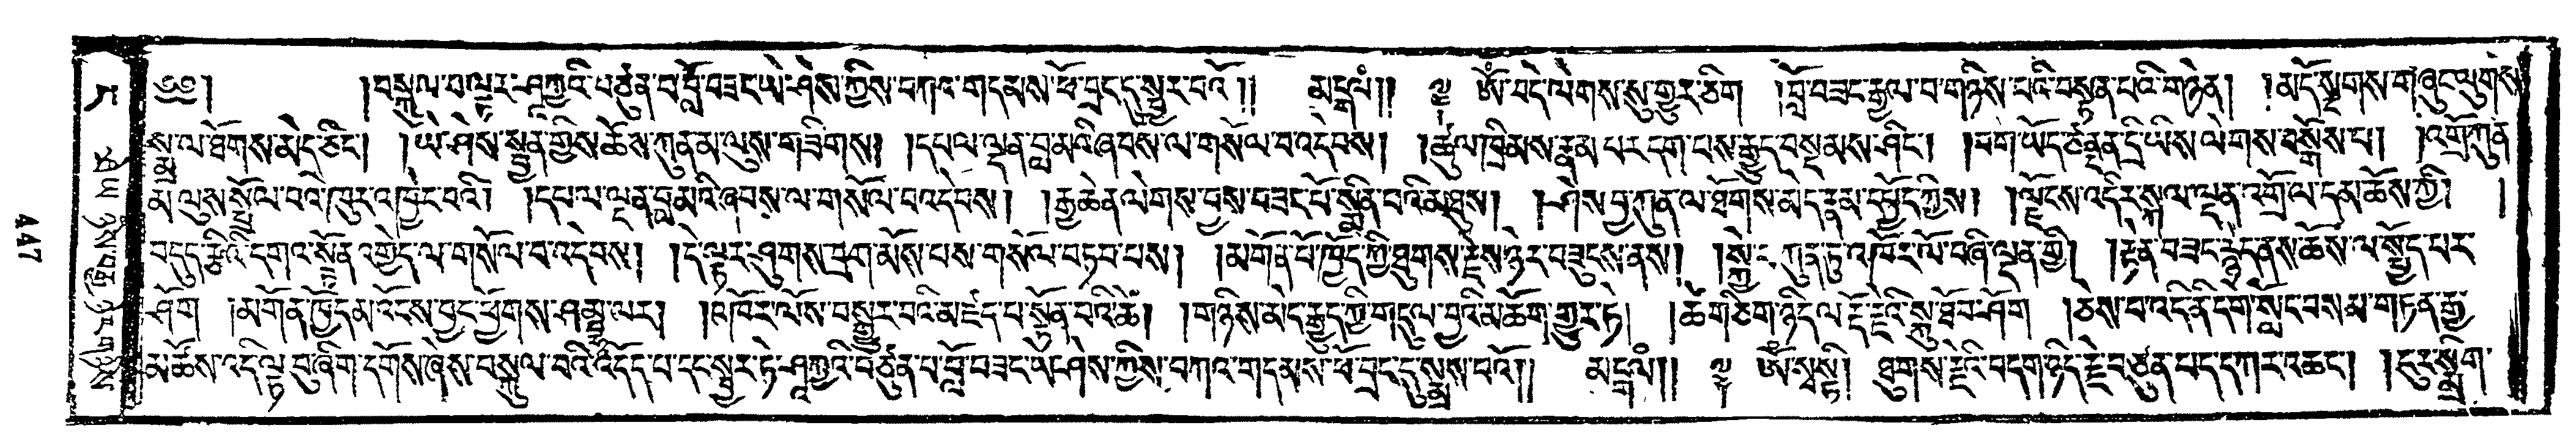༄༅། །བསྐུལ་བ་ལྟར་ཤའྐྱའི་བཙུན་བ་བློ་བཟང་ཡེ་ཤེས་ཀྱིས་བཀའ་གདམས་ཕོ་བྲང་དུ་སྦྱར་བའོ།། མངཾ།།༈ ཨོཾ་བདེ་ལེགས་སུ་གྱུར་ཅིག །བློ་བཟང་རྒྱལ་བ་གཉིས་པའི་བསྟན་པ་གཉེན། །མདོ་སྔགས་གཞུང་ལུགས་
སྨྲ་ལ་ཐོགས་མེད་ཅིང་། །ཡེ་ཤེས་སྤྱན་གྱིས་ཆོས་ཀུན་མ་ལུས་གཟིགས། །དཔལ་ལྡན་བླ་མའི་ཞབས་ལ་གསོལ་བ་འདེབས། །ཚུལ་ཁྲིམས་རྣམ་པར་དག་པས་རྒྱུད་བསྔམས་ཤིང་། །བག་ཡོད་ཙནྡན་དྲི་ཡིས་ལེགས་བསྒོས་པ། །འགྲོ་ཀུན་
མ་ལུས་སྤྲོལ་བའི་ཁུར་འཁྱུང་བའི། །དཔལ་ལྡན་བླ་མའི་ཞབས་ལ་གསོལ་བ་འདེབས། །རྒྱ་ཆེན་ལེགས་བྱས་བཟང་པོ་སྨིན་པའི་མཐུས། །ཤེས་བྱ་ཀུན་ལ་ཐོགས་མེད་རྣམ་དཔྱོད་ཀྱིས། །ལྗོངས་འདིར་སྐལ་ལྡན་འགྲོ་ལ་དམ་ཆོས་ཀྱི།།
བདུད་རྩིའི་དགའ་སྟོན་འགྱེད་ལ་གསོལ་བ་འདེབས། །དེ་ལྟར་ཤུགས་བྲག་མོས་པས་གསོལ་བཏབ་པས། །མགོན་པོ་ཁྱོད་ཀྱི་ཐུགས་རྗེས་ཉེར་བཟུངས་ནས། །སྐྱེ་བ་ཀུན་ཏུ་འཁོར་ལོ་བཞི་ལྡན་གྱི། །རྟེན་བཟང་རྙེད་ནས་ཆོས་ལ་སྤྱོད་པར་
ཤོག །མགོན་ཁྱོད་མ་འོངས་བྱང་ཕྱོགས་ཤམྦྷ་ལར། །འཁོར་ལོས་བསྒྱུར་བའི་མཛད་པ་སྟོན་པའི་ཚེ། །གཉིས་མེད་རྒྱུད་ཀྱི་གདུལ་བྱའི་མཆོག་གྱུར་ཏེ། །ཚེ་གཅིག་ཉིད་ལ་རྡོ་རྗེའི་སྐུ་ཐོབ་ཤོག །ཅེས་བ་འདི་ནི་དགེ་སློང་བསམ་གཏན་རྒྱ་
མཚོས་འདི་ལྟ་བུ་ཞིག་དགོས་ཞེས་བསྐུལ་བའི་འདོད་པ་དང་སྦྱར་ཏེ་ཤཱཀྱའི་བཙུན་པ་བཟློ་བཟང་ཡེ་ཤེས་ཀྱིས་བཀའ་གདམས་ཕོ་བྲང་དུ་སྨྲས་པའོ།། མངྒལཾ།། ༈ ཨོཾ་སྭྶྟི། ཐུགས་རྗེའི་བདག་ཉིད་རྗེ་བཙུན་པད་དཀར་འཆང་། །དུར་སྨྲིག་